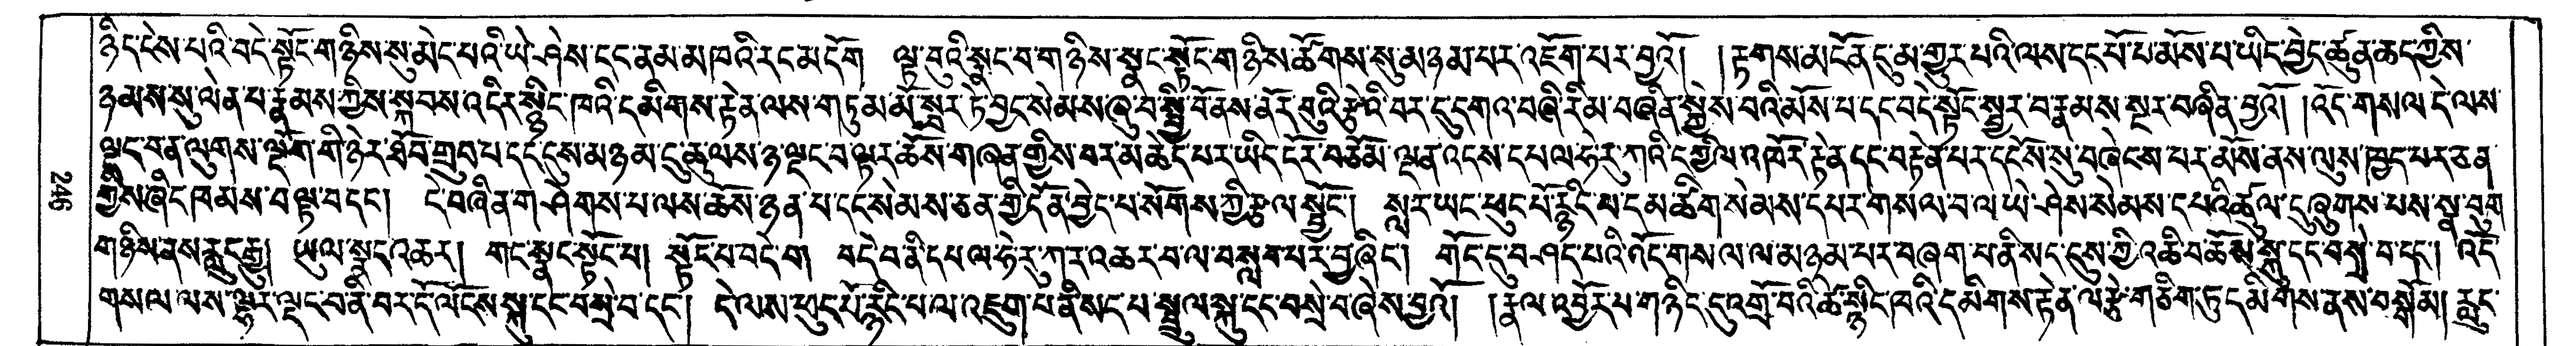ཉིད་ངེས་པའི་བདེ་སྟོང་གཉིས་སུ་མེད་པའི་ཡེ་ཤེས་དང་ནམ་མཁའི་རང་མདོག་ལྟ་བུའི་སྣང་བ་གཉིས་སྣང་སྟོང་གཉིས་ཚོགས་སུ་མཉམ་པར་འཇོག་པར་བྱའོ། །རྟགས་མངོན་དུ་མ་གྱུར་པའི་ལས་དང་པོ་པ་མོས་པ་ཡིད་བྱེད་ཚུན་ཆད་ཀྱིས་
ཉམས་སུ་ལེན་པ་རྣམས་ཀྱིས་སྐབས་འདིར་སྙིང་ཁའི་དམིགས་རྟེན་ལས་གཏུམ་མོ་སྦར་ཏེ་བྱང་སེམས་ཞུ་བ་སྤྱི་བོ་ནས་ནོར་བུའི་རྩེའི་བར་དུ་དགའ་བཞི་རིམ་བཞིན་སྐྱེས་པའི་མོས་པ་དང་བདེ་སྟོང་སྦྱར་བ་རྣམས་སྔར་བཞིན་བྱའོ། །འོད་གསལ་དེ་ལས་
ལྡང་བ་ན་ལུགས་ལྡོག་གི་ཉེར་ཐོབ་གྲུབ་པ་དང་དུས་མཉམ་དུ་ཆུ་ལས་ཉ་ལྡང་བ་ལྟར་ཆོས་གཞན་གྱིས་བར་མ་ཆོད་པར་ཡིད་ངོར་བཅོམ་ལྡན་འདས་དཔལ་ཧེ་རུ་ཀའི་དཀྱིལ་འཁོར་རྟེན་དང་བརྟེན་པར་དངོས་སུ་བཞེངས་པར་མོས་ནས་ལུས་ཁྱད་པར་ཅན་
གྱིས་ཞིང་ཁམས་བལྟ་བ་དང་། དེ་བཞིན་གཤེགས་པ་ལས་ཆོས་ཉན་པ་དང་སེམས་ཅན་གྱི་དོན་བྱེད་པ་སོགས་ཀྱི་རྩལ་སྦྱོང་། སླར་ཡང་ཕུང་པོ་རྙིང་པ་དམ་ཚིག་སེམས་དཔར་གསལ་བ་ལ་ཡེ་ཤེས་སེམས་དཔའི་ཚུལ་དུ་ཞུགས་པས་སྣ་བུག་
གཉིས་ནས་རླུང་རྒྱུ། ཡུལ་སྣང་འཆར། གང་སྣང་སྟོང་པ། སྟོང་པ་བདེ་པ། བདེ་བ་ནི་དཔལ་ཧེ་རུ་ཀར་འཆར་བ་ལ་བསླབ་པར་བྱ་ཞིང་། གོང་དུ་བཤང་པའི་འོང་གསལ་ལ་མཉམ་པར་བཞག་པ་ནི་སད་དུས་ཀྱི་འཆི་བ་ཆོས་སྐུ་དང་བསྲེ་པ་དང་། འོད་
གསལ་ལས་ལྷར་ལྡང་བ་ནི་བར་དོ་ལོངས་སྐུ་དང་བསྲེ་བ་དང་། དེ་ལས་ཕུང་པོ་རྙིང་པ་ལ་འཇུག་པ་ནི་སད་པ་སྤྲུལ་སྐུ་དང་བསྲེ་བ་ཞེས་བྱའོ། །རྣལ་འབྱོར་པ་གཉིད་དུ་འགྲོ་བའི་ཚེ་སྙིང་དྑའི་དམིགས་རྟེན་ལ་རྩེ་གཅིག་ཏུ་དམིགས་ནས་བསྒོམ། རླུང་